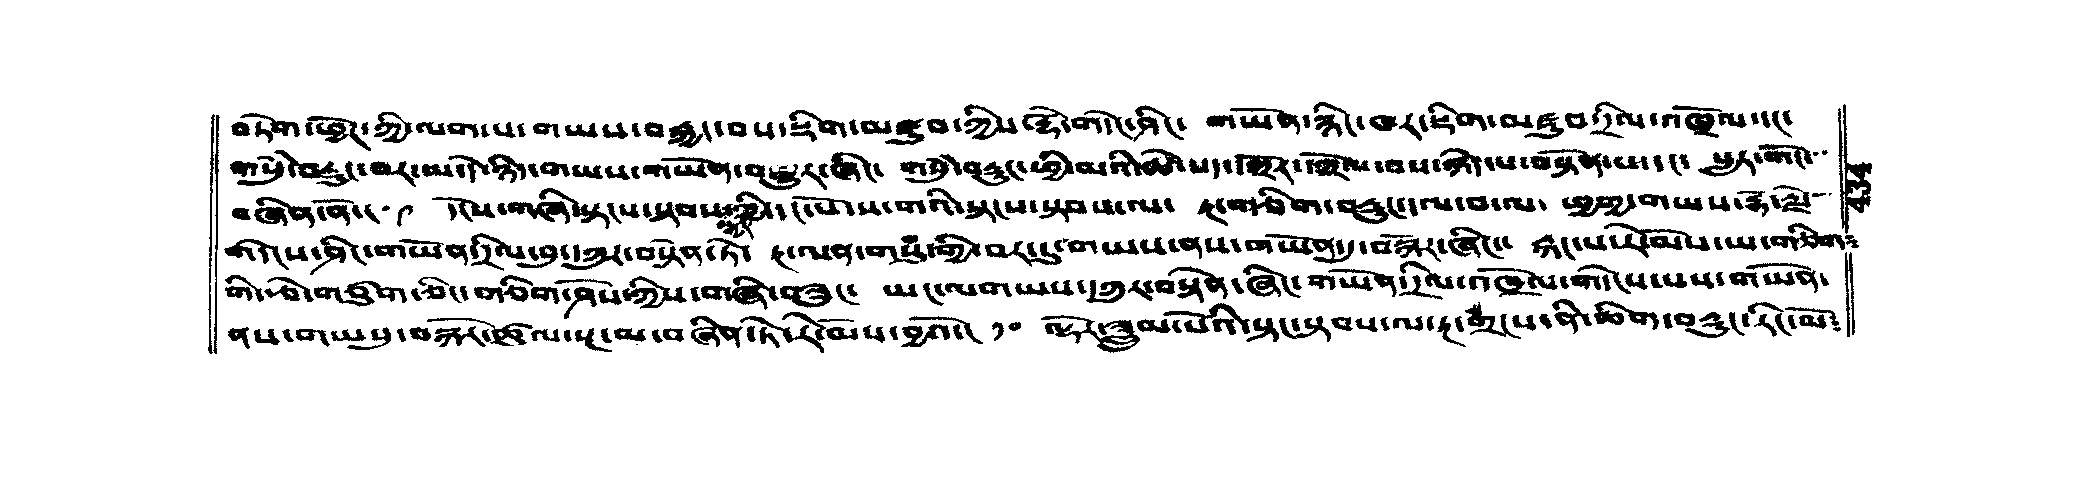བཏེག་ཅིང་ལག་པ་གཡས་བརྐྱངས་བས་སྡིག་མཛུབ་ཀྱི་རྡོ་རྗེ་གདེངས་ཤིང་། གཡོན་སྙིང་ཁར་སྡིག་མཛུབ་དྲིལ་འཁྲོལ་དང་། 
གསུམ་བརྡུང་བར་མ་དེ་ཉིད་གཡས་གཡོན་བསྒྱུར་ཞིང་། གསུམ་བརྡུང་ཕྱི་མའི་ཚེ་པད་ཀོར་བཀྲོལ་བས་སྐེད་པ་སྟོན་པ་དང་། སླར་གོང་
བཞིན་ནོ། དངོས་གཞི་སྟངས་སྟབས་བརྒྱད་ཀྱི་དང་པོ་ས་གའི་སྟངས་སྟབས་ལ། རྔ་གཅིག་བརྡུང་དལ་བ་ལ། ཕྱག་རྒྱ་གཡས་རྡོ་རྗེ་
གདེངས་ཤིང་གཡོན་དྲིལ་བ་དཀུར་བསྟེན་ཏེ། རྔ་ལན་གསུམ་གྱི་བར་དུ་གཡས་ནས་གཡོན་དུ་བསྐོར་ཞིང་།རྐང་པ་རེ་མོས་ཡ་གཅིག་
གི་རྩེ་བ ཙུག་ཅིང་གཅིག་ཤོས་ཀྱི་གཞི་བཟུང་། ཡང་ལག་གཡས་དཀུར་བསྟེན་ཞིང་གཡོན་དྲིལ་འཁྲོལ་གདེངས་པས་གཡོན་
ནས་གཡས་སུ་བསྐོར་ཚུལ་སྔ་མ་བཞིན་ཏེ་རེ་མོས་བྱའོ། ༡༠ ལྷོར་ཟླུམ་པོའི་སྟངས་སྟབས་ལ་རྔ་གྲངས་ནི་ཆིག་བརྡུང་རིང་མོ་